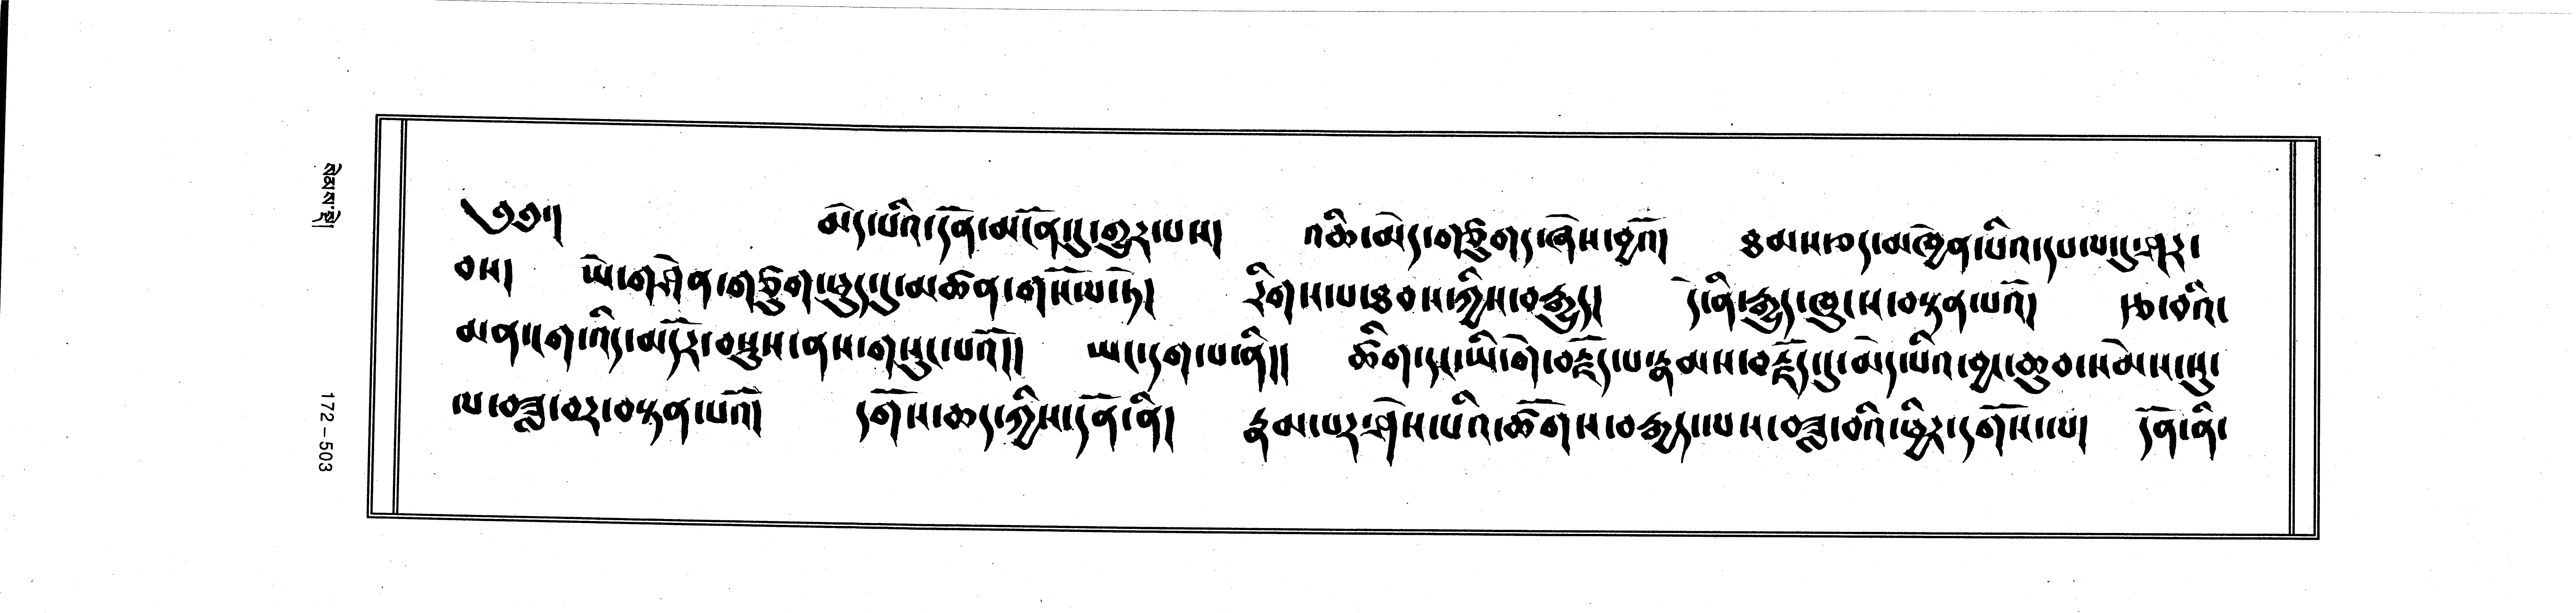མེད་པའི་དོན་མངོན་དུ་གྱུར་པས། འཆི་མེད་གཙུག་ཕུད་ཞེས་བྱའོ། ཐམས་ཅད་མཁྱེན་པའི་དཔལ་དུ་ཤར་
བས། ཡེ་གཤེན་གཙུག་ཕུད་དུ་མཚན་གསོལ་ཏེ། རིག་པ་ཐབས་ཀྱིས་བརྒྱུད། དེ་ནི་རྒྱུད་ཁུངས་བསྟན་པའོ། རྩ་བའི་
མན་ངག་འདི་མདོར་བསྡུས་ནས་གསུང་པའོ། ཡང་དག་པ་ནི། ཚིག་དང་ཡི་གེ་བརྗོད་པ་རྣམས་བརྗོད་དུ་མེད་པའི་བྱང་ཆུབ་སེམས་སུ་
ལ་བཟླ་བར་བསྟན་པའོ། དགོས་ཆེད་ཀྱིས་དོན་ནི། རྣམ་པར་ཤེས་པའི་ཚོགས་བརྒྱད་ལས་བཟླ་བའི་ཕྱིར་དགོས་ལ། དོན་ནི་